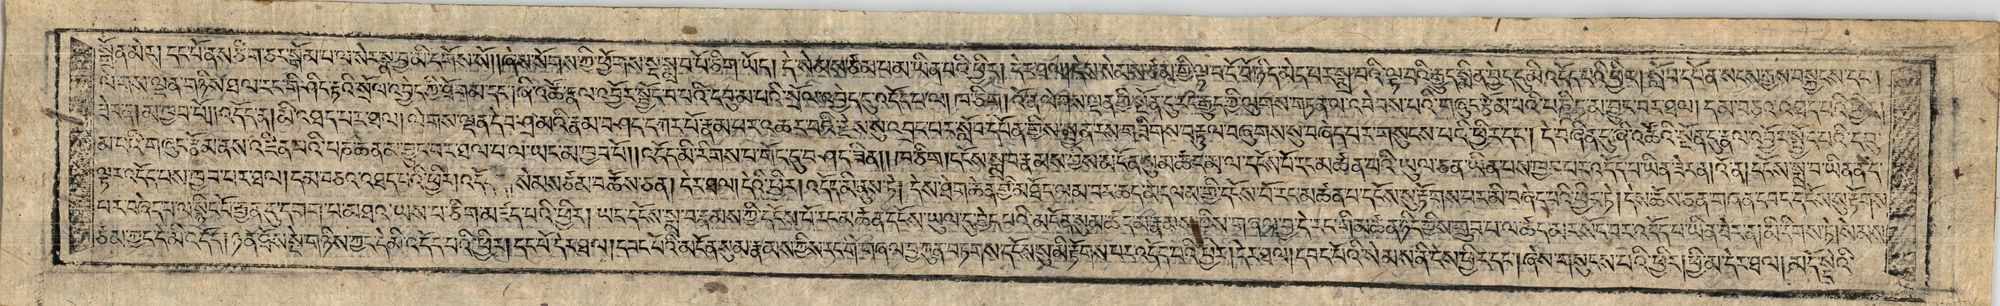སྒྲོན་མེར། དང་པོ་ནས་ཅིག་ཅར་སྒོམ་པ་ལ་སེར་སྣ་བྱ་མི་དགོས་སོ། །ཞེས་སོགས་ཀྱི་ཕྱོགས་སྔ་སྨྲ་བ་པོ་ཅིག་ཡོད། དེ་སེམས་ཙམ་པ་མ་ཡིན་པའི་ཕྱིར། དེར་ཐལ། དེས་སེམས་ཙམ་གྱི་ལྟ་བ་ངོ་བོ་ཉིད་མེད་པར་སྨྲ་བའི་ལྟ་བའི་རྒྱུད་སྨིན་བྱེད་དུ་མི་འདོད་པའི་ཕྱིར། སློབ་དཔོན་སངས་རྒྱས་བསྐྱངས་དང་།
ལེགས་ལྡན་གཉིས་ཐལ་རང་གི་ཤིང་རྟའི་སྲོལ་འབྱེད་ཀྱི་ཐོག་མ་དང་། ཞི་འཚོ་རྣལ་འབྱོར་སྤྱོད་པ་བའི་དབུ་མ་བའི་སྲོལ་འབྱེད་དུ་འདོད་པ་ལ། ཁ་ཅིག །འོ་ན་ལེགས་ལྡན་གྱི་སྔོན་དུ་རང་རྒྱུད་ཀྱི་ལུགས་གཏན་ལ་འབེབས་པའི་གཞུང་རྩོམ་པའི་པཎྜི་ཏ་མ་བྱུང་བར་ཐལ། དམ་བཅའ་འཐད་པའི་ཕྱིར།
ཟེར་ན། མ་ཁྱབ་བོ། །འདོད་ན། མི་འཐད་པར་ཐལ། ལེགས་ལྡན་དེ་བཤྲམའི་རྣམ་བཤད་དཀར་པོ་རྣམ་པར་འཆར་བའི་རྗེས་སུ་འབྲང་བར་སློབ་དཔོན་གྱིས་སྤྱན་རས་གཟིགས་བརྟུལ་བཞུགས་སུ་བཞེད་པར་གསུངས་པའི་ཕྱིར་དང་། དེ་བཞིན་དུ་ཞི་འཚོའི་སྔོན་དུ་རྣལ་འབྱོར་སྤྱོད་པའི་དབུ་
མ་བའི་གཞུང་རྩོམ་ནས་འཛིན་པའི་པཎ་ཆེན་མ་བྱུང་བར་ཐལ་བ་ལ་ཡང་མ་ཁྱབ་བོ། །འདོད་མི་རིགས་པ་གོང་དུ་བཤད་ཟིན། །ཁ་ཅིག །དངོས་སྨྲ་བ་རྣམས་ཀྱིས་མངོན་སུམ་ཚད་མ་ལ་དངོས་པོ་རང་མཚན་པའི་ཡུལ་ཅན་ཡིན་པས་ཁྱབ་པར་འདོད་པ་ཡིན་ཟེར་ན། འོ་ན། དངོས་སྨྲ་བ་ཡིན་ན་དེ་
ལྟར་འདོད་པས་ཁྱབ་པར་ཐལ། དམ་བཅའ་འཐད་པའི་ཕྱིར། འདོད་ན། སེམས་ཙམ་པ་ཆོས་ཅན། དེར་ཐལ། དེའི་ཕྱིར། འདོད་མི་ནུས་ཏེ། དེས་ཐེག་ཆེན་གྱི་མཐོང་ལམ་བར་ཆད་མེད་ལམ་གྱི་དངོས་པོ་རང་མཚན་པ་དངོས་སུ་རྟོགས་པར་མི་བཞེད་པའི་ཕྱིར་ཏེ། དེས་ཆོས་ཅན་གཞན་དབང་དངོས་སུ་རྟོགས་
པར་བཞེད་པ་ལ་སྙིང་བོ་རྒྱན་དུ་དགག་པ་མཐའ་ཡས་པ་ཅིག་མཛད་པའི་ཕྱིར། ཡང་དངོས་སྨྲ་བ་རྣམས་ཀྱི་དངོས་པོ་རང་མཚན་དངོས་ཡུལ་དུ་བྱེད་པའི་མངོན་སུམ་ཚད་མ་རྣམས་ཀྱིས་གཞལ་བྱ་དེ་རང་གི་མཚན་ཉིད་ཀྱིས་གྲུབ་པ་ལ་ཚད་མར་སོང་བར་འདོད་པ་ཡིན་ཟེར་ན། མི་རིགས་ཏེ། སེམས་
ཙམ་ཀྱང་དེ་མི་འདོད། ཉན་ཐོས་སྡེ་གཉིས་ཀྱང་དེ་མི་འདོད་པའི་ཕྱིར། དང་པོ་དེར་ཐལ། དབང་པོའི་མངོན་སུམ་རྣམས་ཀྱིས་རང་གི་གཞལ་བྱ་ཀུན་བཏགས་དངོས་སུ་མི་རྟོགས་པར་འདོད་པའི་ཕྱིར། དེར་ཐལ། དབང་པོའི་སེམས་ནི་ངེས་ཕྱིར་དང་། ཞེས་གསུངས་པའི་ཕྱིར། ཕྱི་མ་དེར་ཐལ། མདོ་སྡེའི་